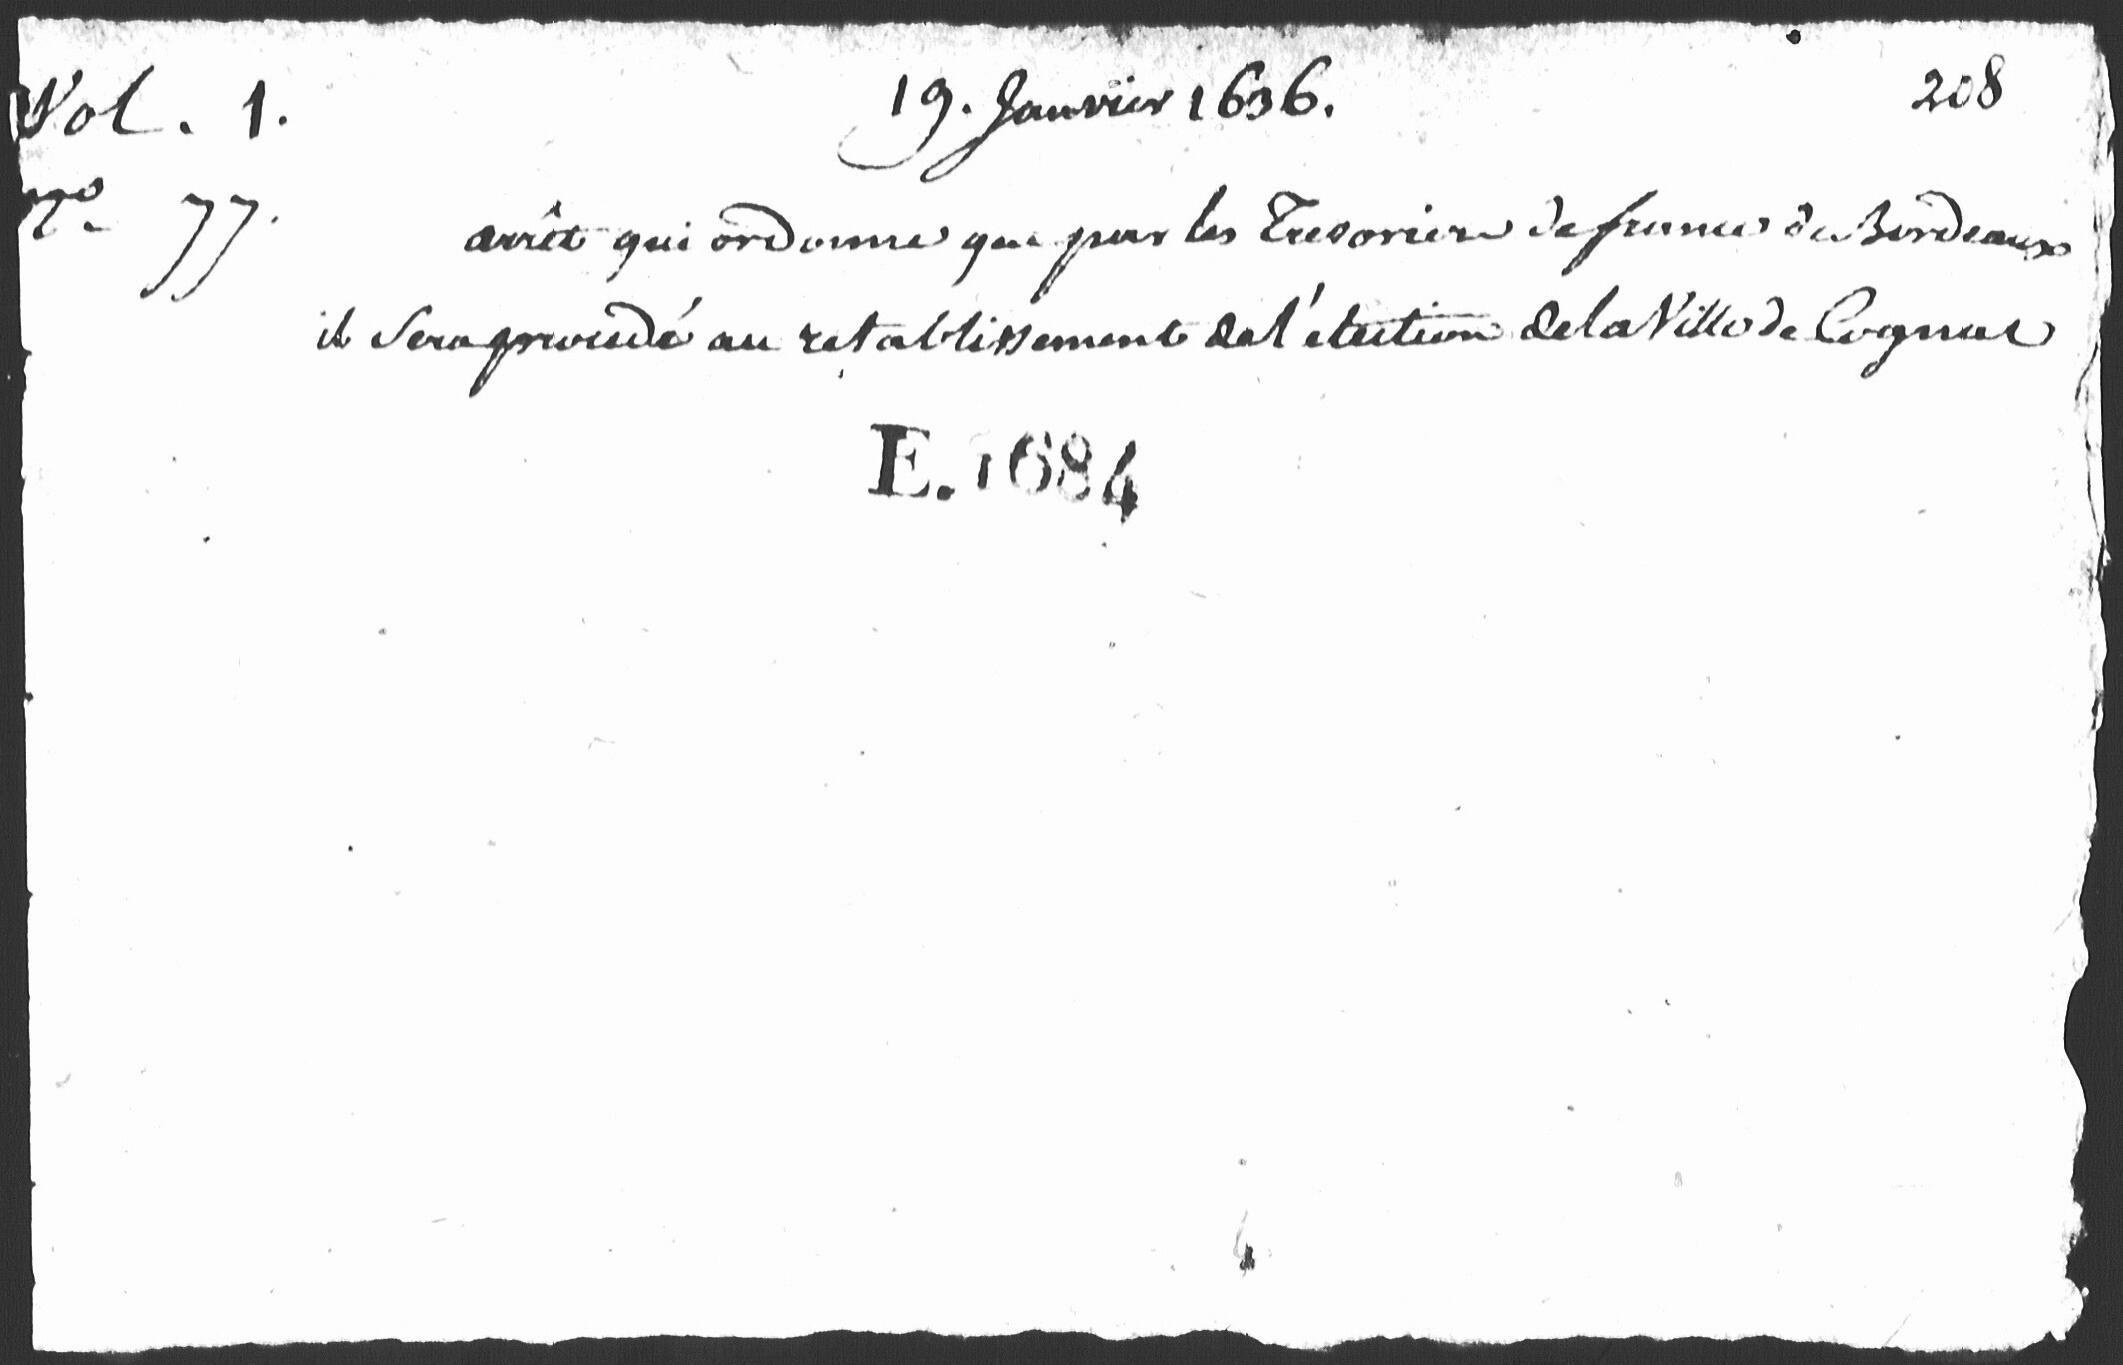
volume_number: n°77
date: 19 janvier 1636
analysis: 208
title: Arrêt qui ordonne que par les Tresoriers de france de Bordeaux il sera procedé au retablissement de l'election de la Ville de Cognac
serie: E
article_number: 1684
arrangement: vol. 1
